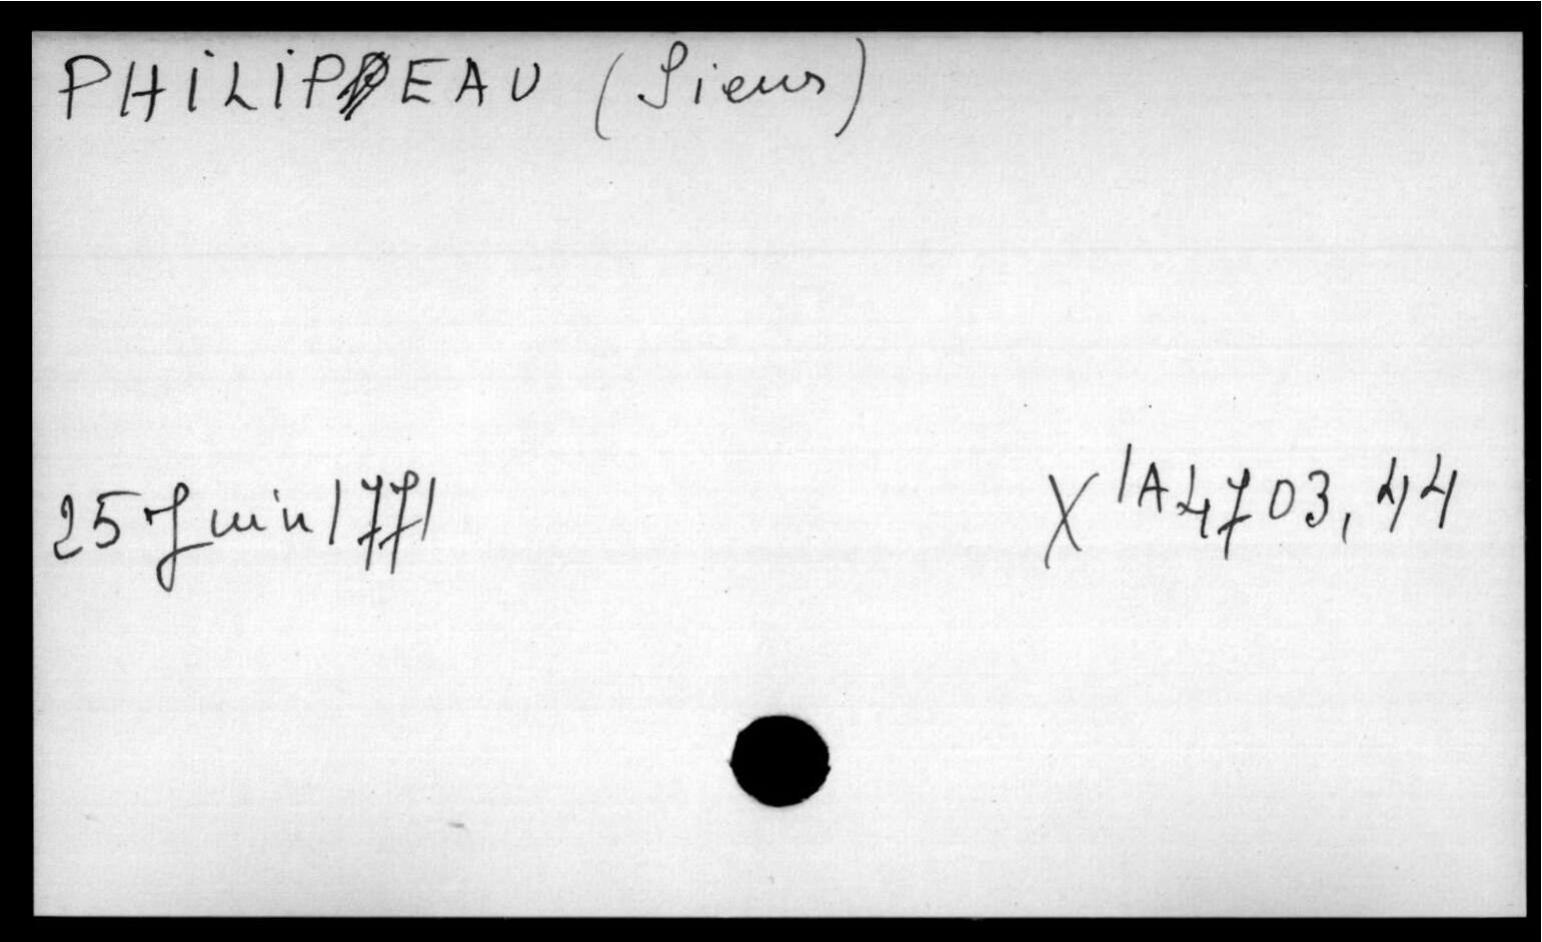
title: PHILIPEAU (Sieur)
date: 25 juin 1771
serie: X1A
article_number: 4703
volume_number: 44
